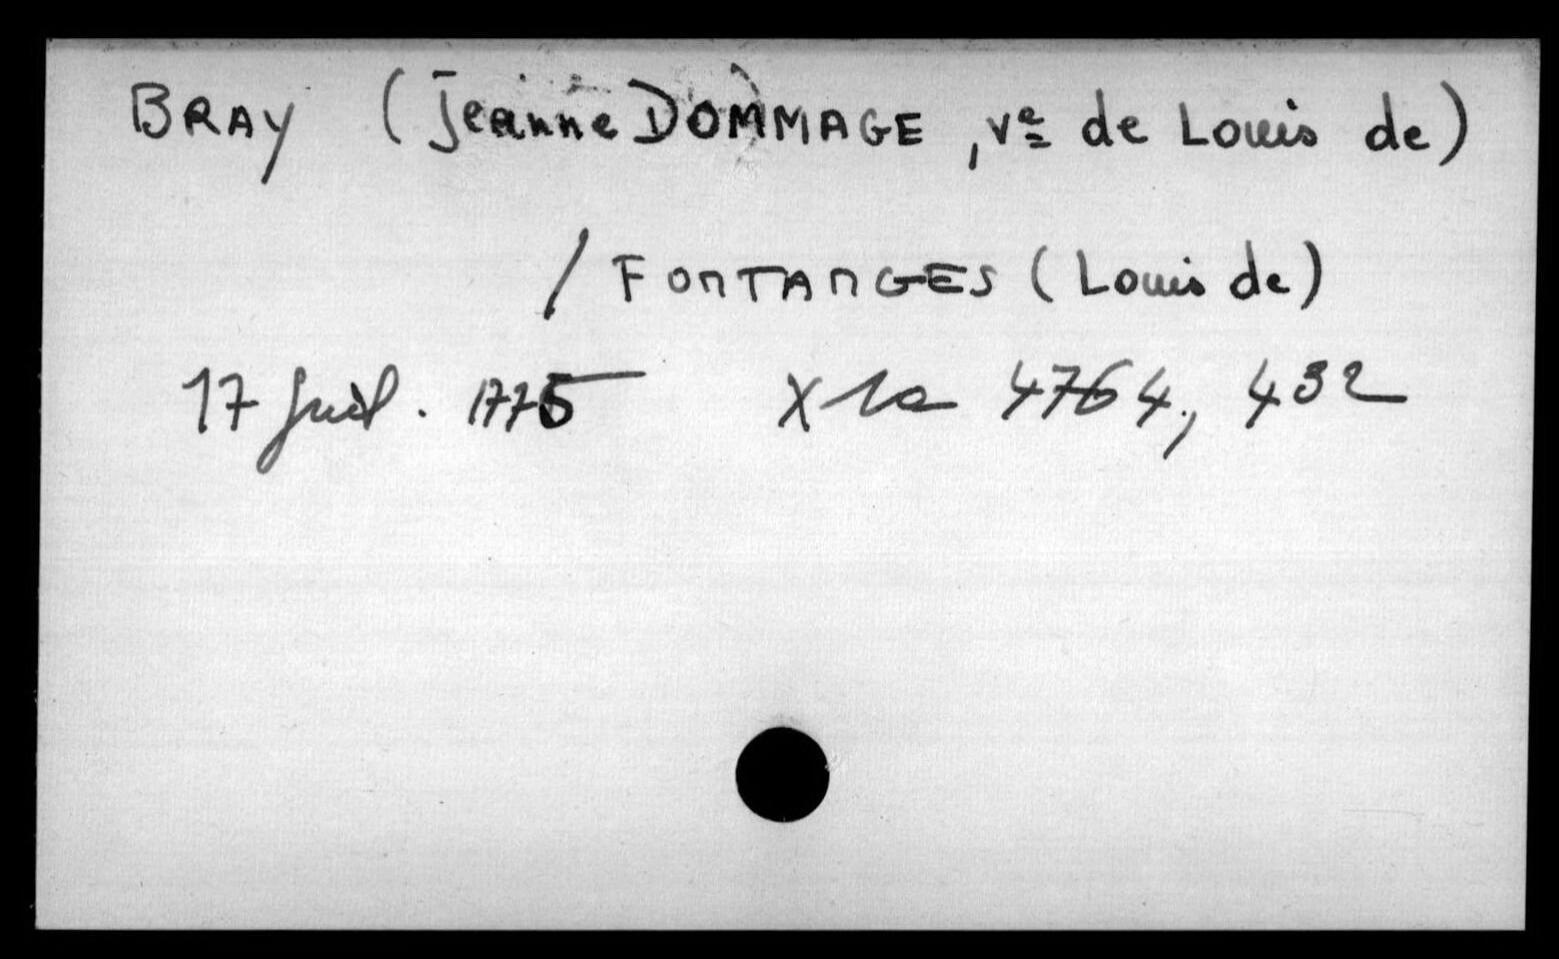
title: BRAY (Jeanne DOMMAGE, veuve de Louis de)
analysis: Contre FONTANGES (Louis de)
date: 17 juillet 1775
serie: X1A
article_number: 4764
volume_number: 432
